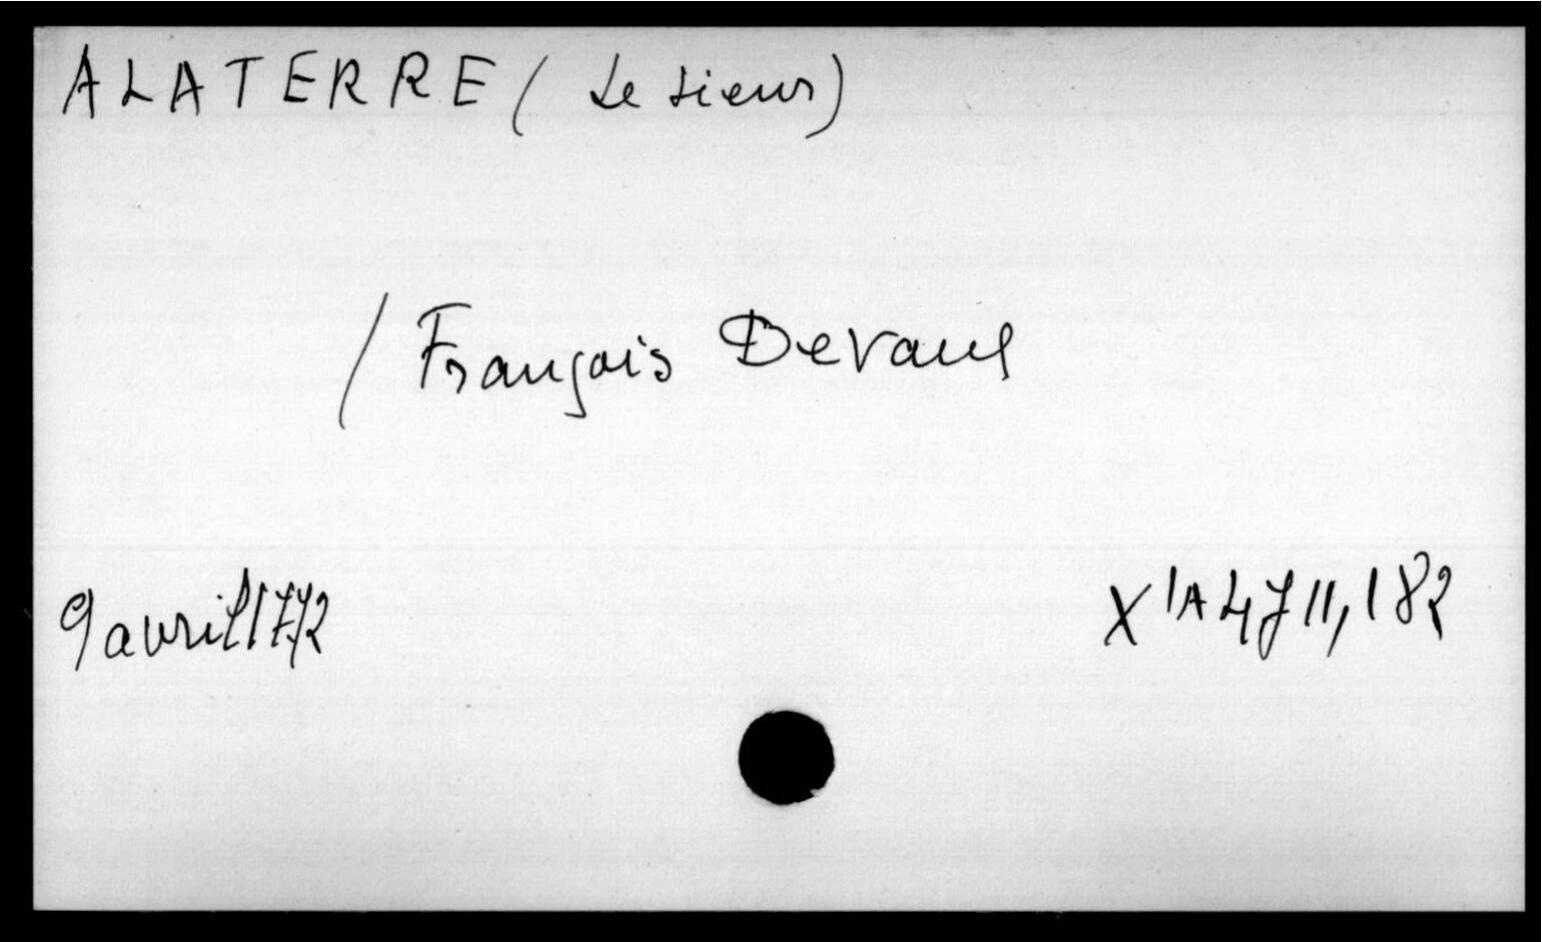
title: ALATERRE (le sieur)
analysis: Contre François Devaux
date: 9 avril 1772
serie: X1A
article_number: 4711
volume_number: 182
